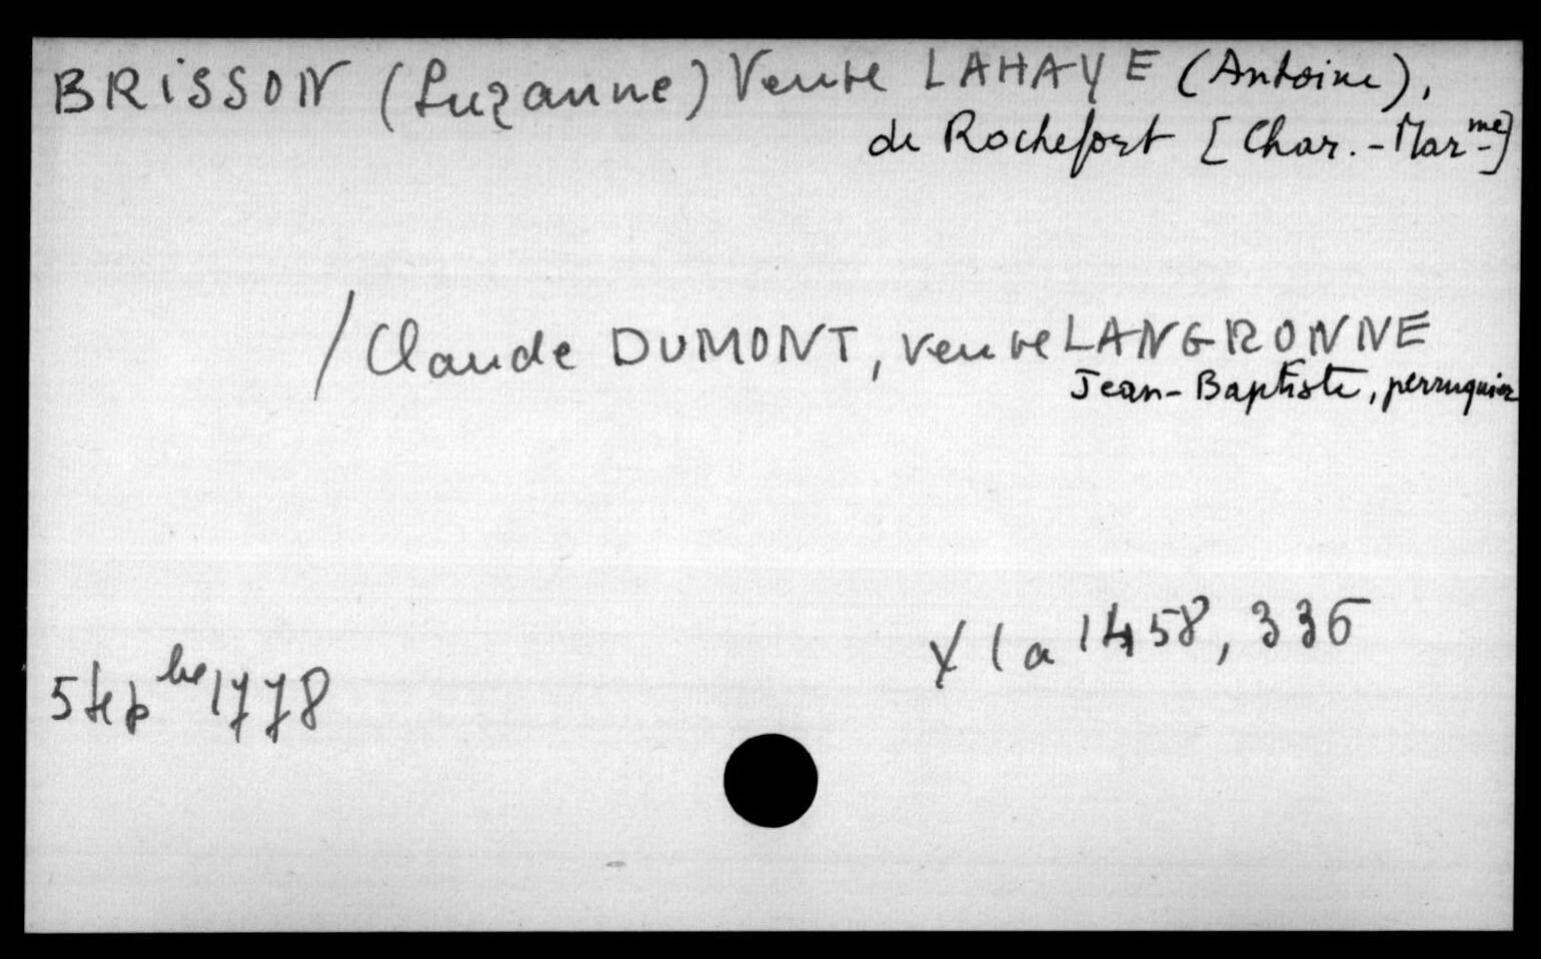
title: BRISSON (Suzanne) Veuve LAHAYE (Antoine) de Rochefort [Charente-Maritime]
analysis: Contre Claude DUMONT, veuve LANGRONNE Jean-Baptiste, perruquier
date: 5 septembre 1778
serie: X1a
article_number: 1458
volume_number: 336
